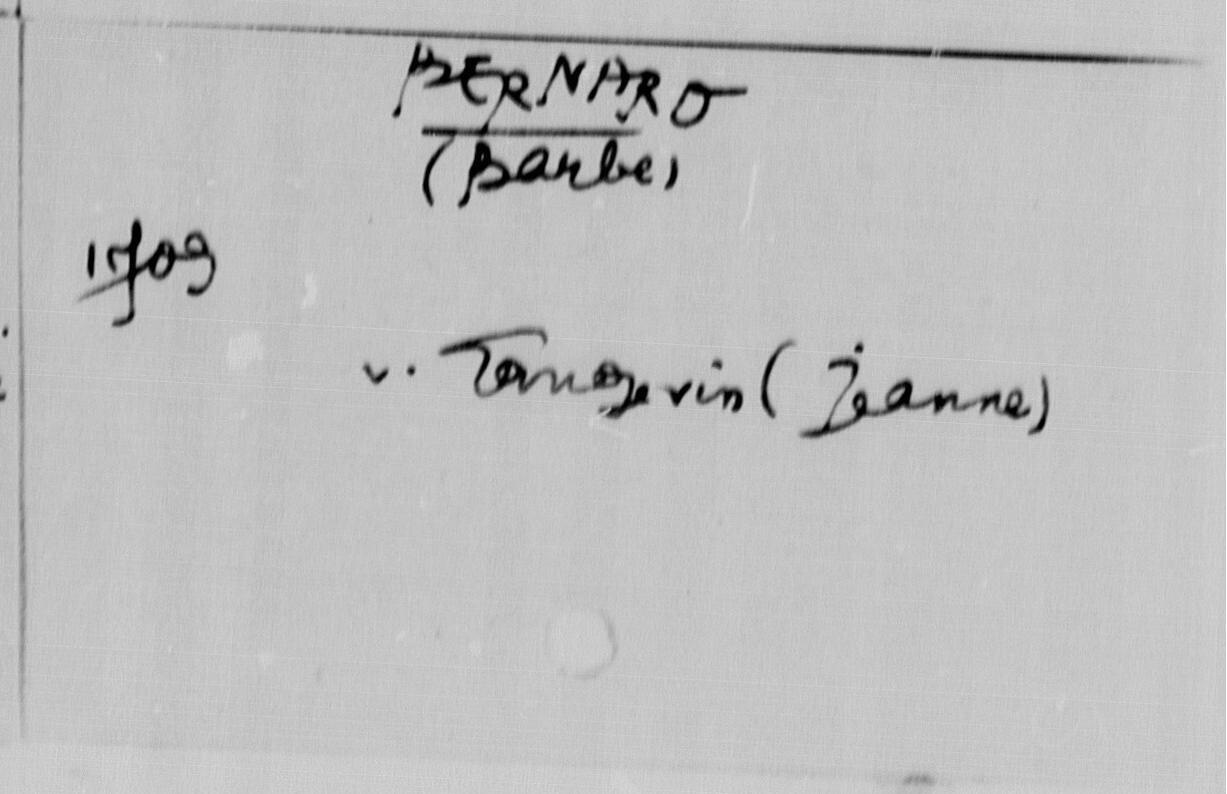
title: BERNARD (Barbe)
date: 1709
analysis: Voir : LANGEVIN (Jeanne)
